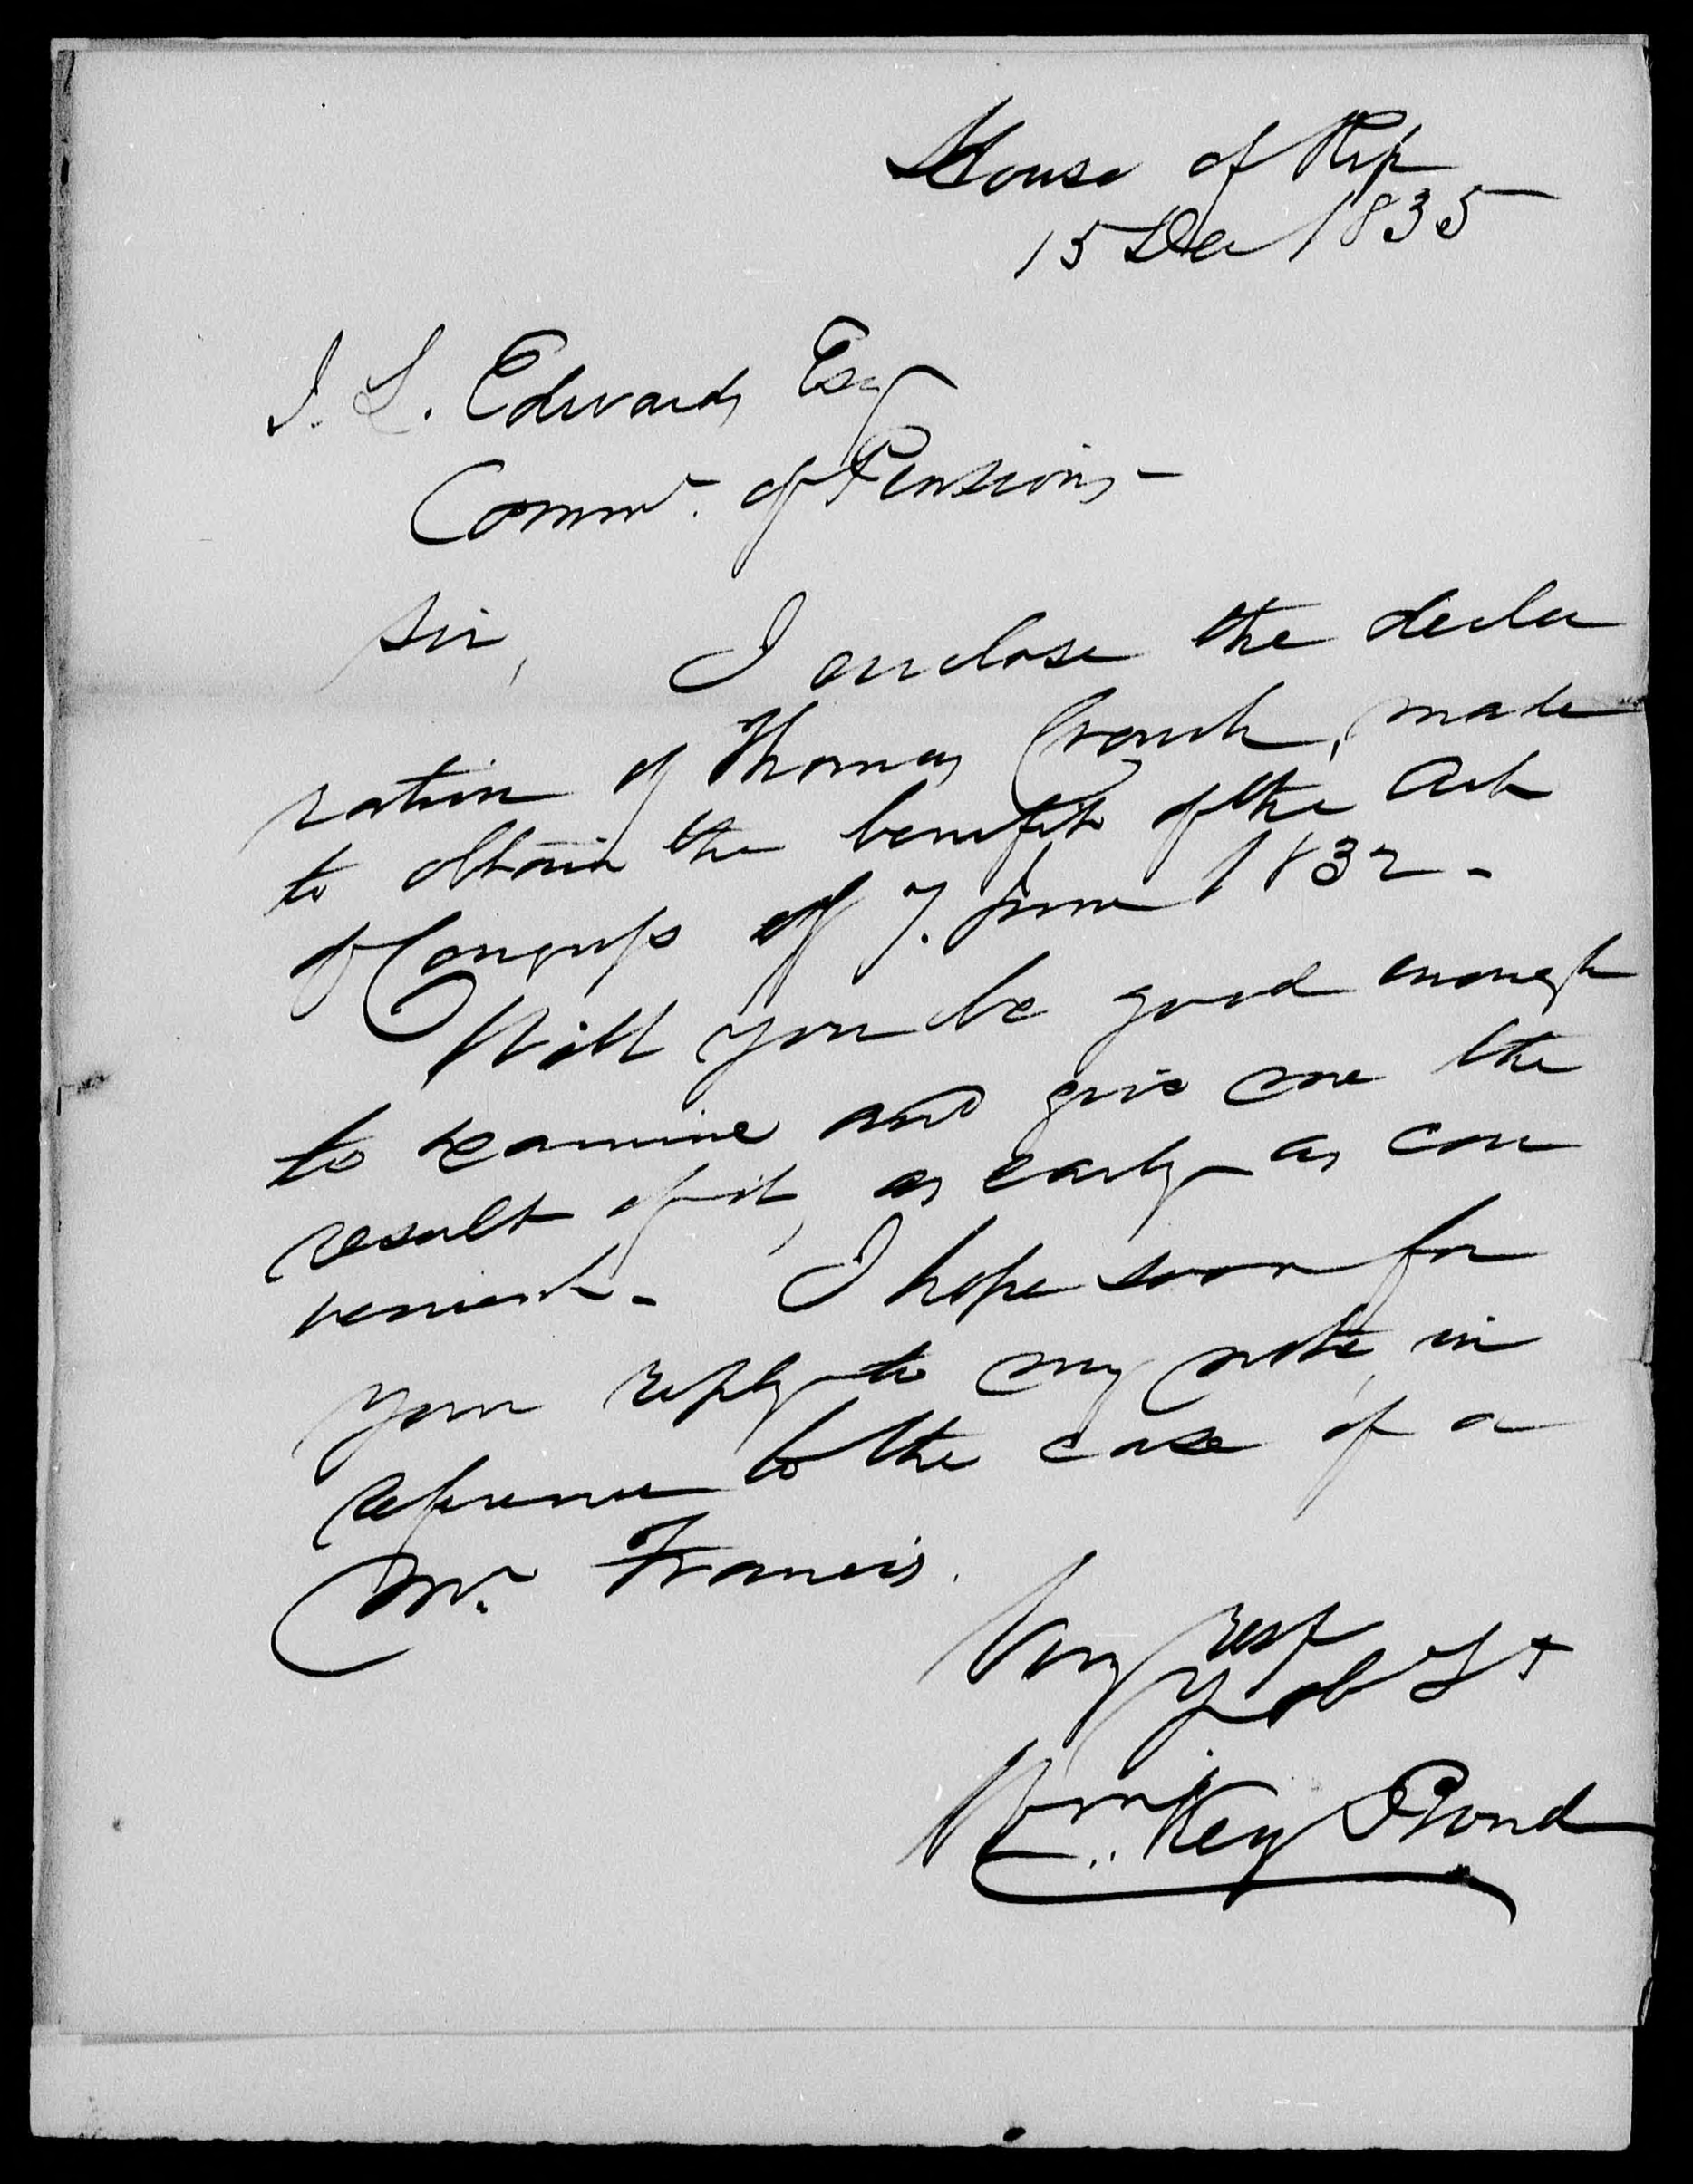House of Rep
15 Dec 1835

J. L. Edwards Esq
Commr. of Pensions-

Sir
I enclose the declaration 
of Thomas Crouch, made
to obtain the benefit of the Act
of Congress of 7 June 1832 _
Will you be good enough
to examine and give me the
result of it, as early as convenient. 
I hope soon for 
your reply to my note in
response to the case of a 
Mr. Francis

Very resp
Y Ob St
Wm Key Bond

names: Thomas Crouch, Francis, Wm Key Bond, J L Edwards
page: 3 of 8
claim: rejected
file: R. 2,533, Thomas Crouch, Md.